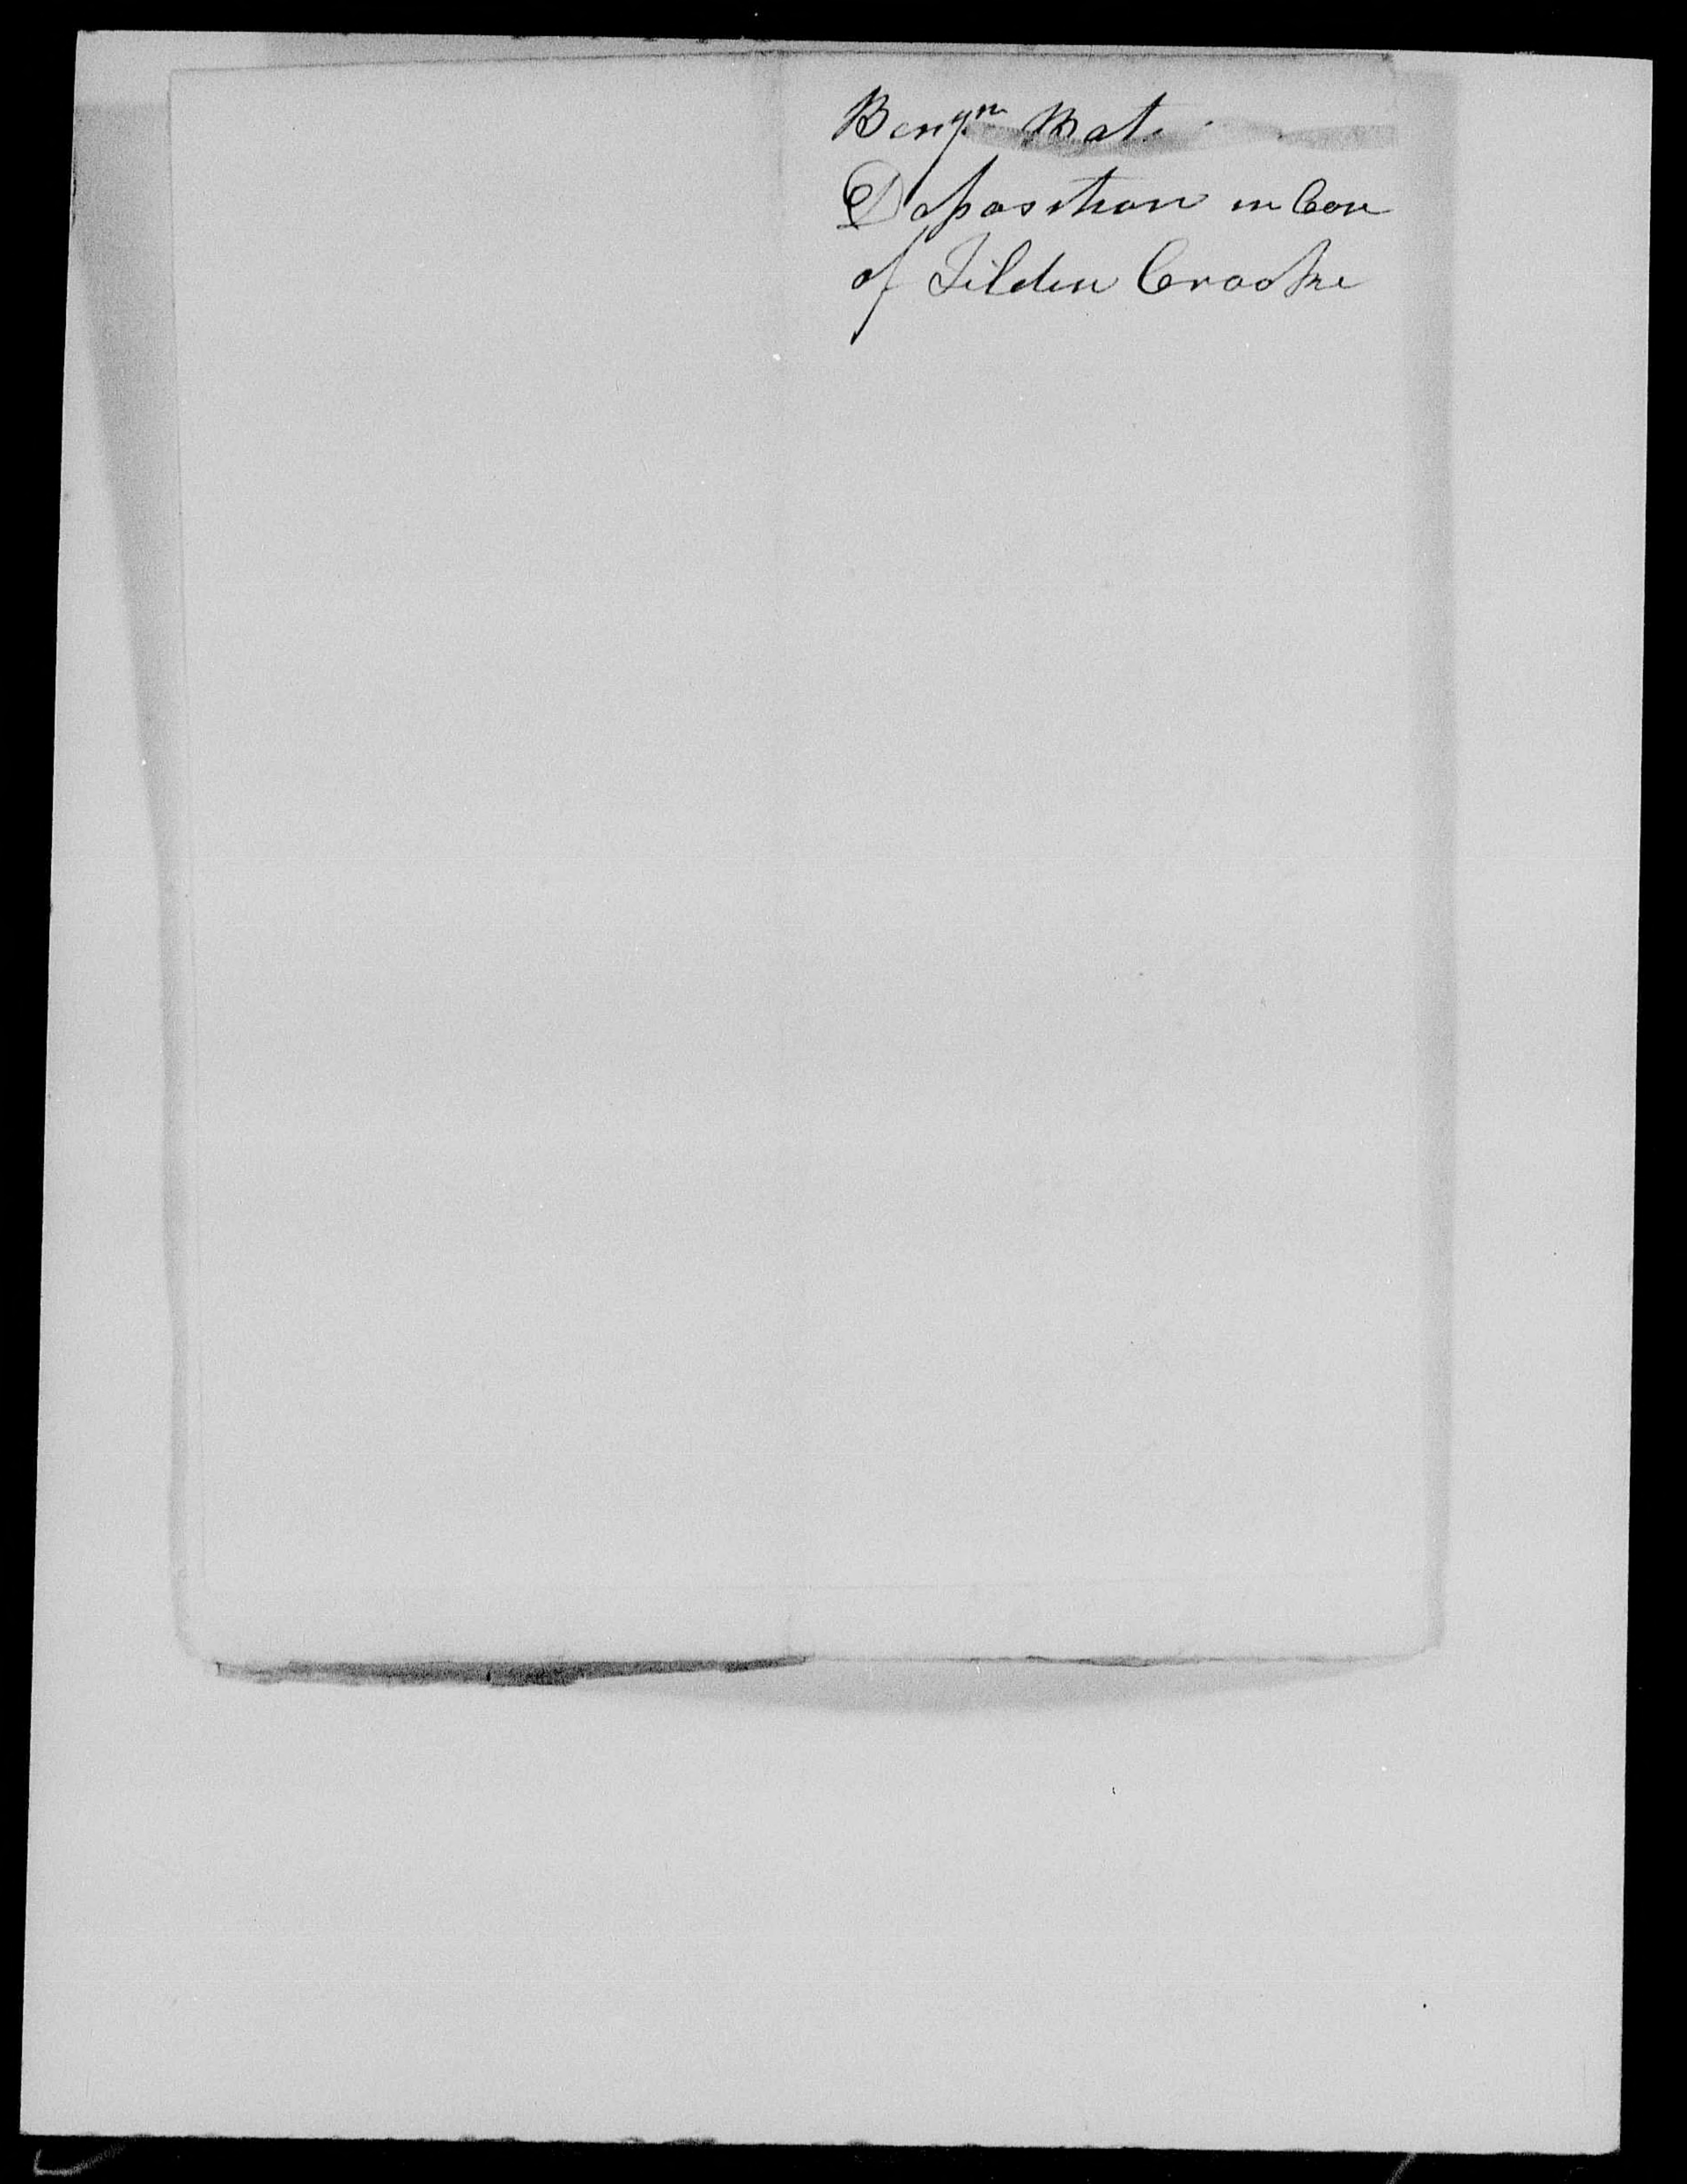Benjamin Bates
Deposition in case
of Tilden Crooker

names: Tilden Crooke, Benjn Bate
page: 25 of 33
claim: widow's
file: W. 22862, Tilden Crooker, Mass Navy